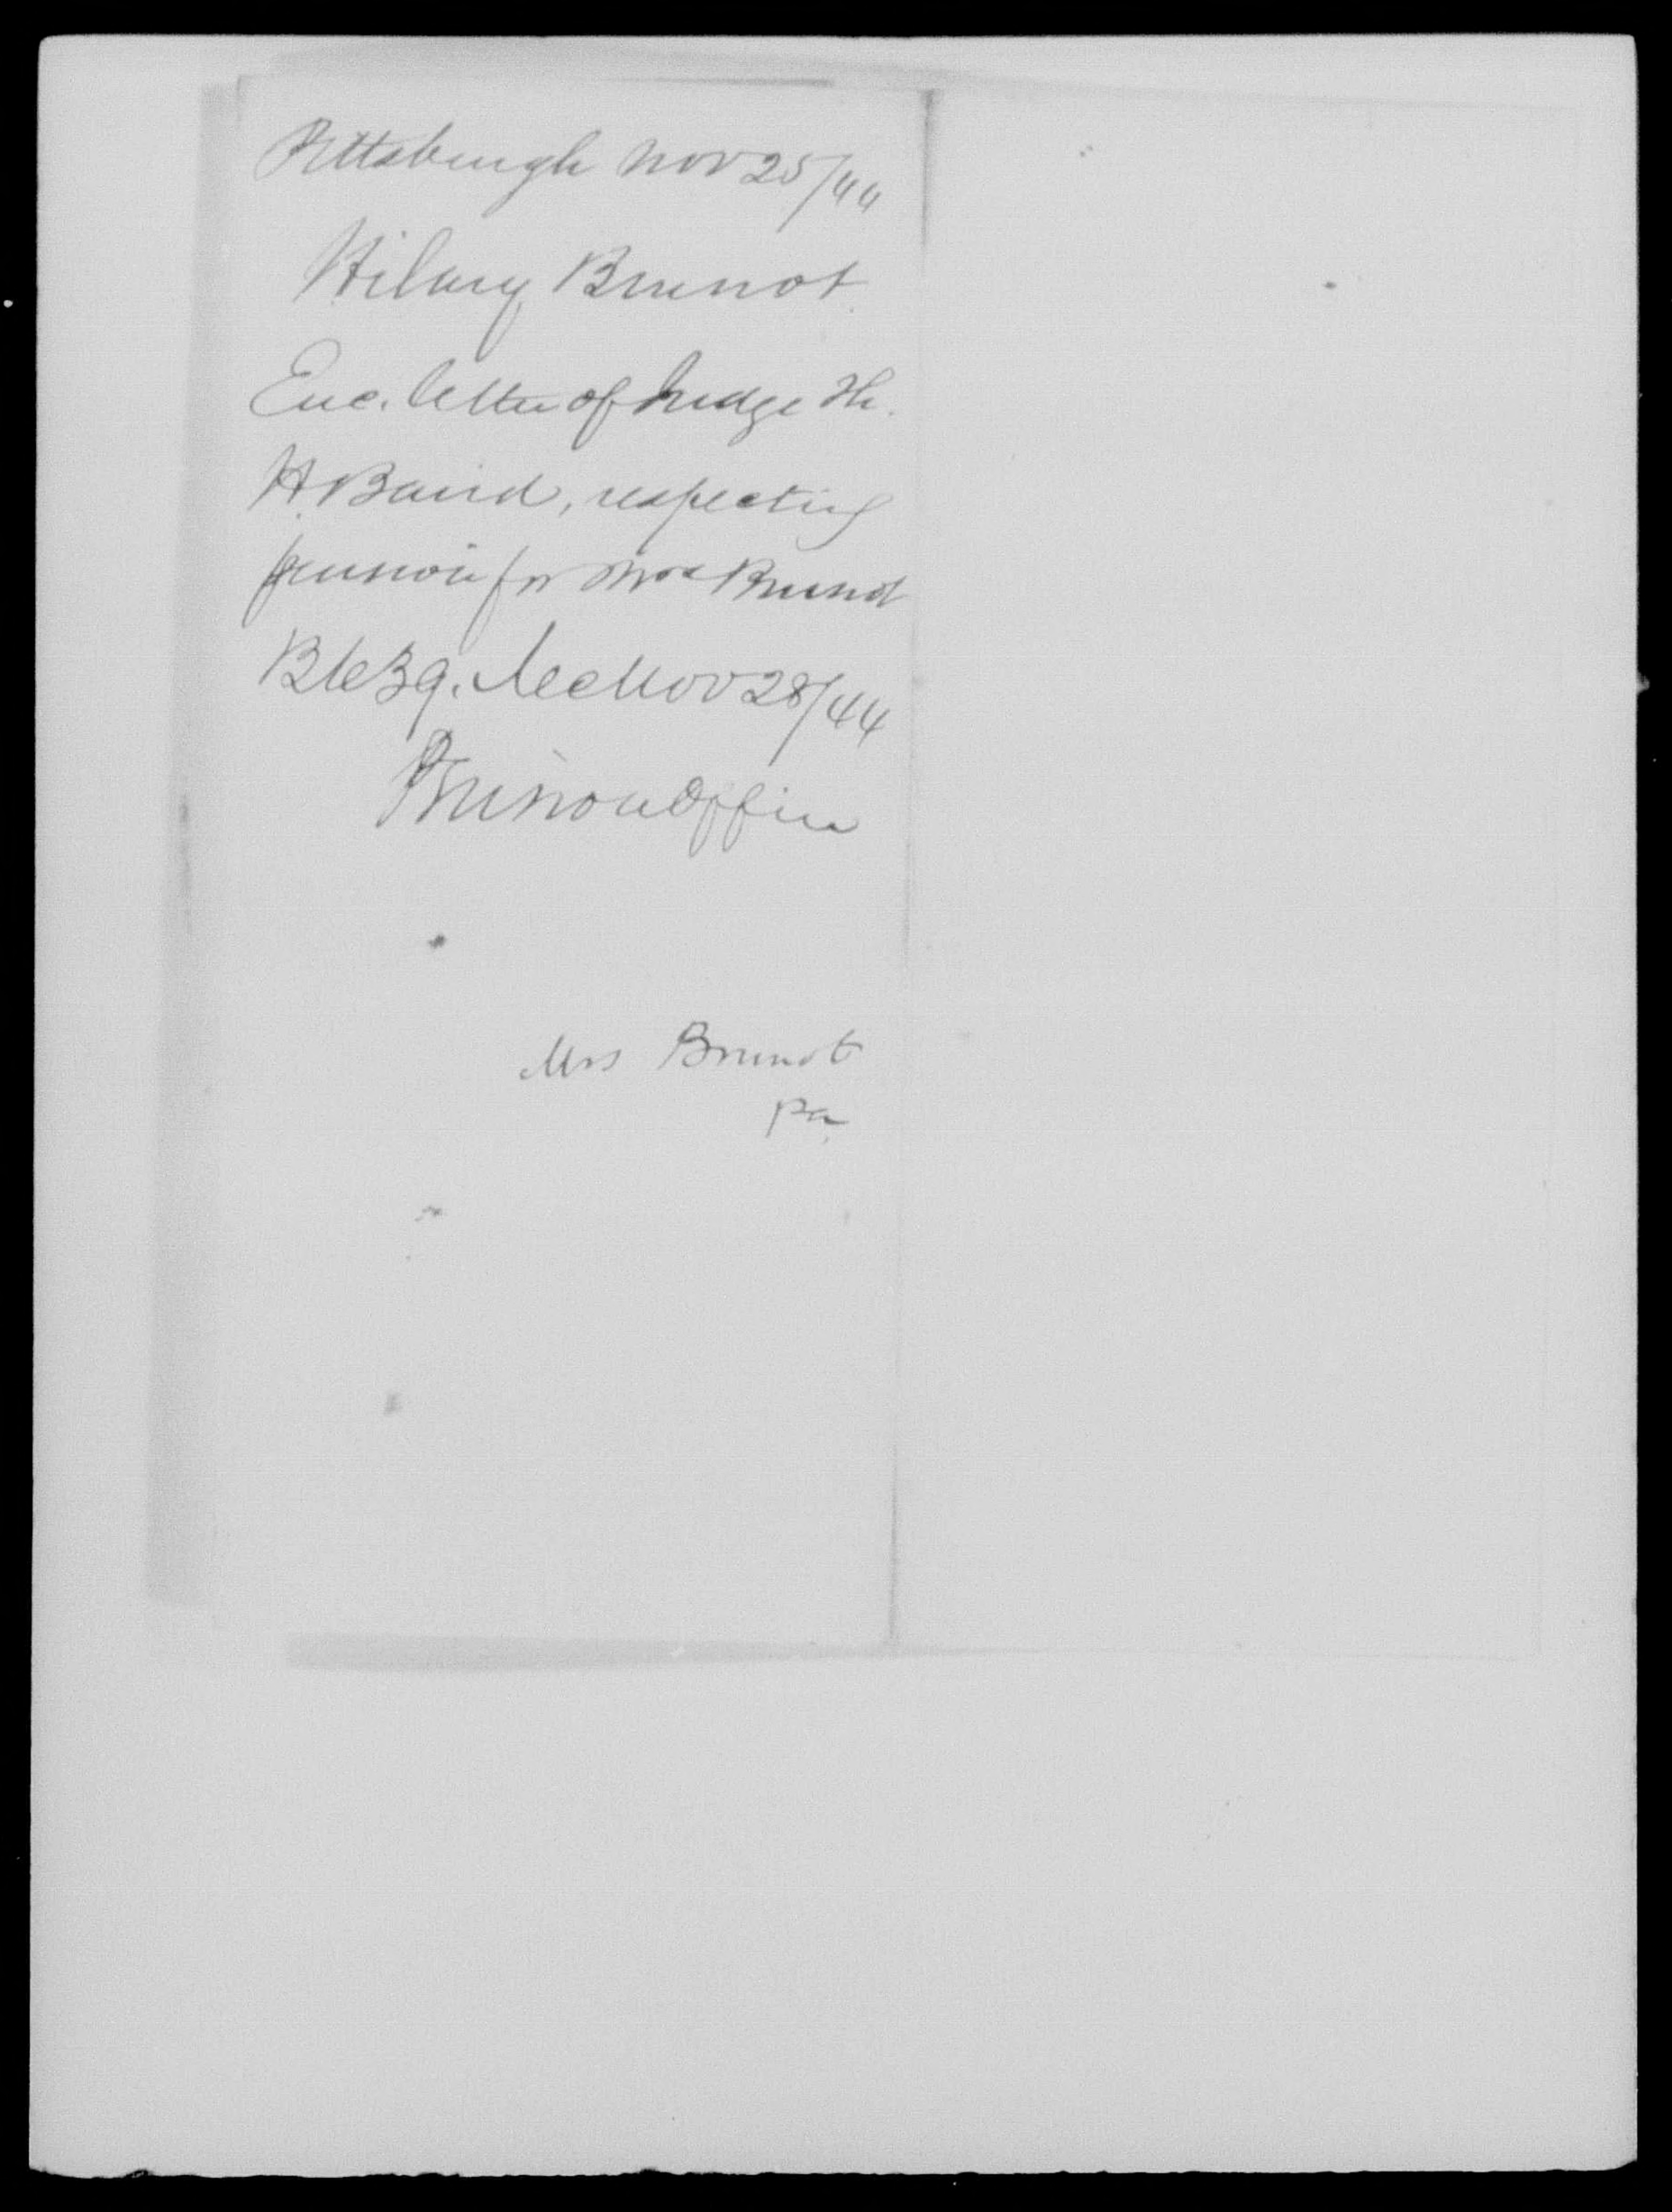Pittsburgh Nov 25/44
Hilary Brunot 
Enc. letter of Judge [illegible] H. Baird, respecting pension for Mrs Brunot
[illegible] 28 /44 
[illegible] office
Mrs Brunot pa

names: Hilary Brunot, Brunot, H Baird, Brunot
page: 26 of 34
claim: rejected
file: R. 1371, Felix Brunot, Penn.